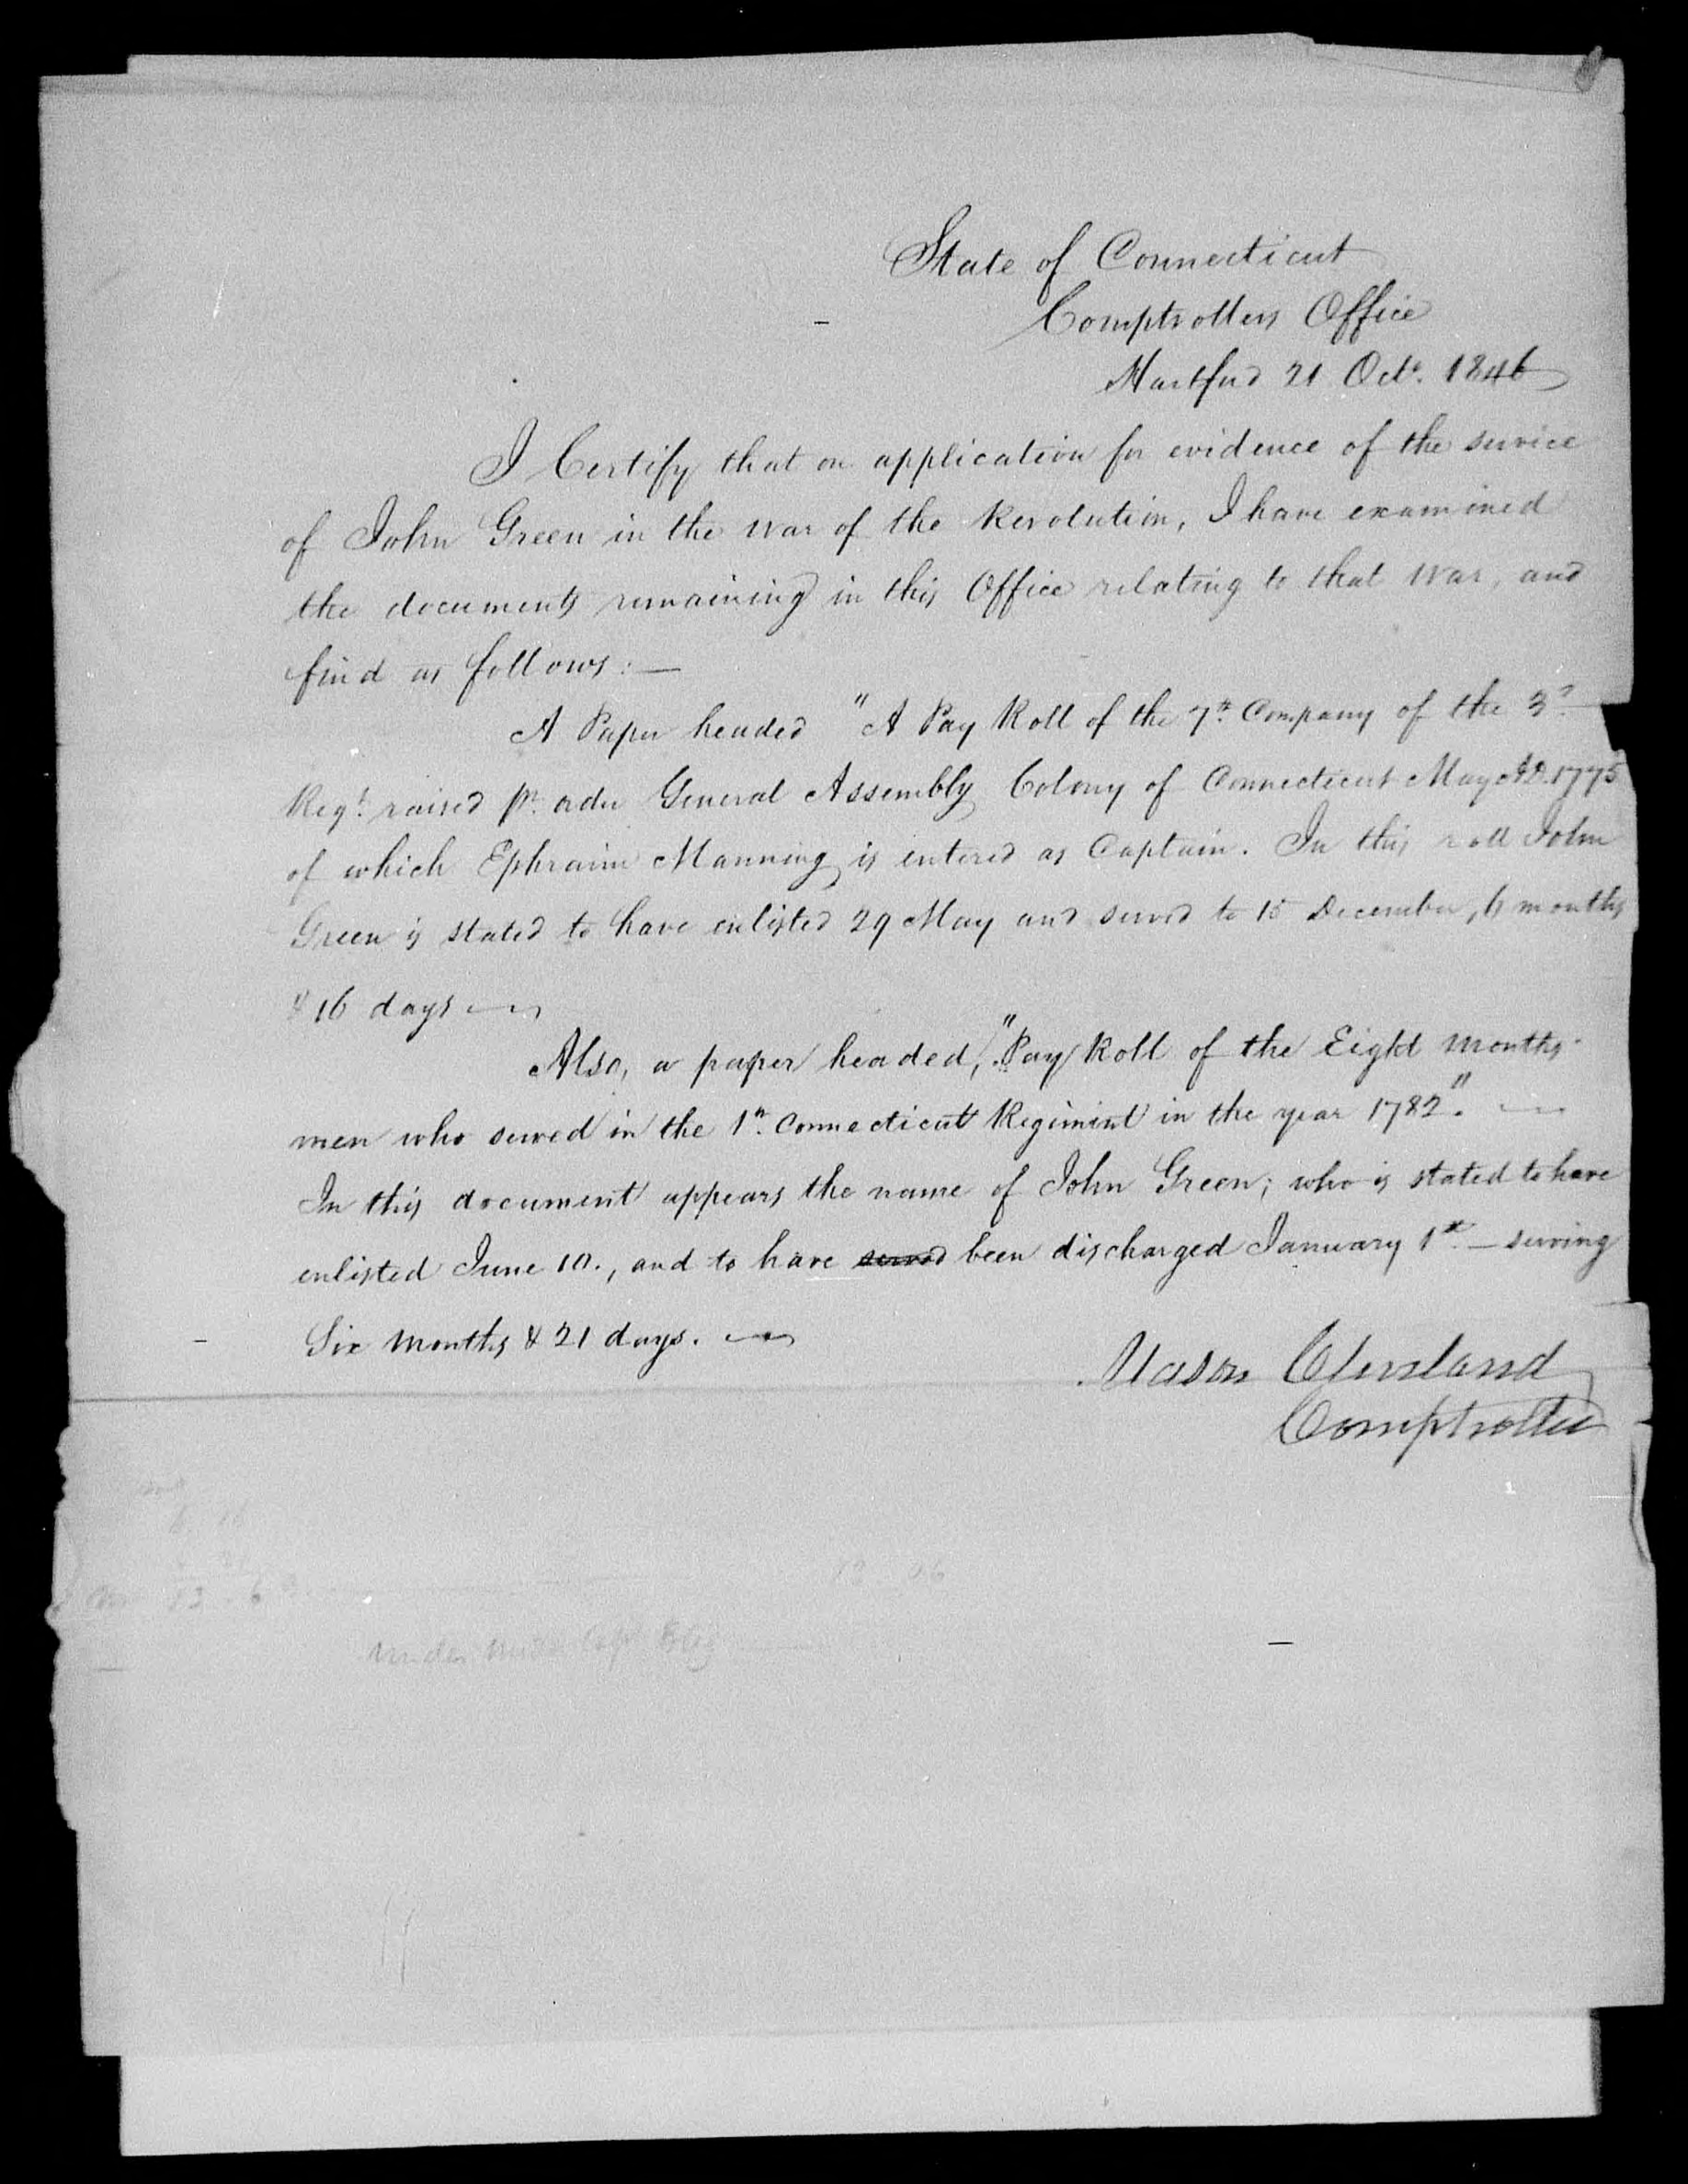State of Connecticut
Comptroller Office
Hartford 21 Oct 1846
I certify that on application for evidence of the service of John Green in the war of the Revolution, I have examined the documents remaining in this office relating to that War and find as follows:
A paper headed "A Pay Roll of the 7th Company of the 3? Regt raised per order General Assembly Colony of Connecticut May AD 1775 of which Ephraim Manning is entered as Captain. In this roll John Green is stated to have enlisted 29 May and served to 15 December, 6 months 16 days.
Also, a paper headed "Pay Roll of the Eight Months-men who served in the 1st Connecticut Regiment in the year 1782"
In this document appears the name of John Green who is stated to have enlisted June 10 and to have been discharged January 1st serving six months & 21 days.
Mason Cleveland
Comptroller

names: John Green, John Green, Mason Cleveland, Ephraim Manning, John Green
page: 21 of 40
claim: rejected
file: R. 4251, John Green, Conn.